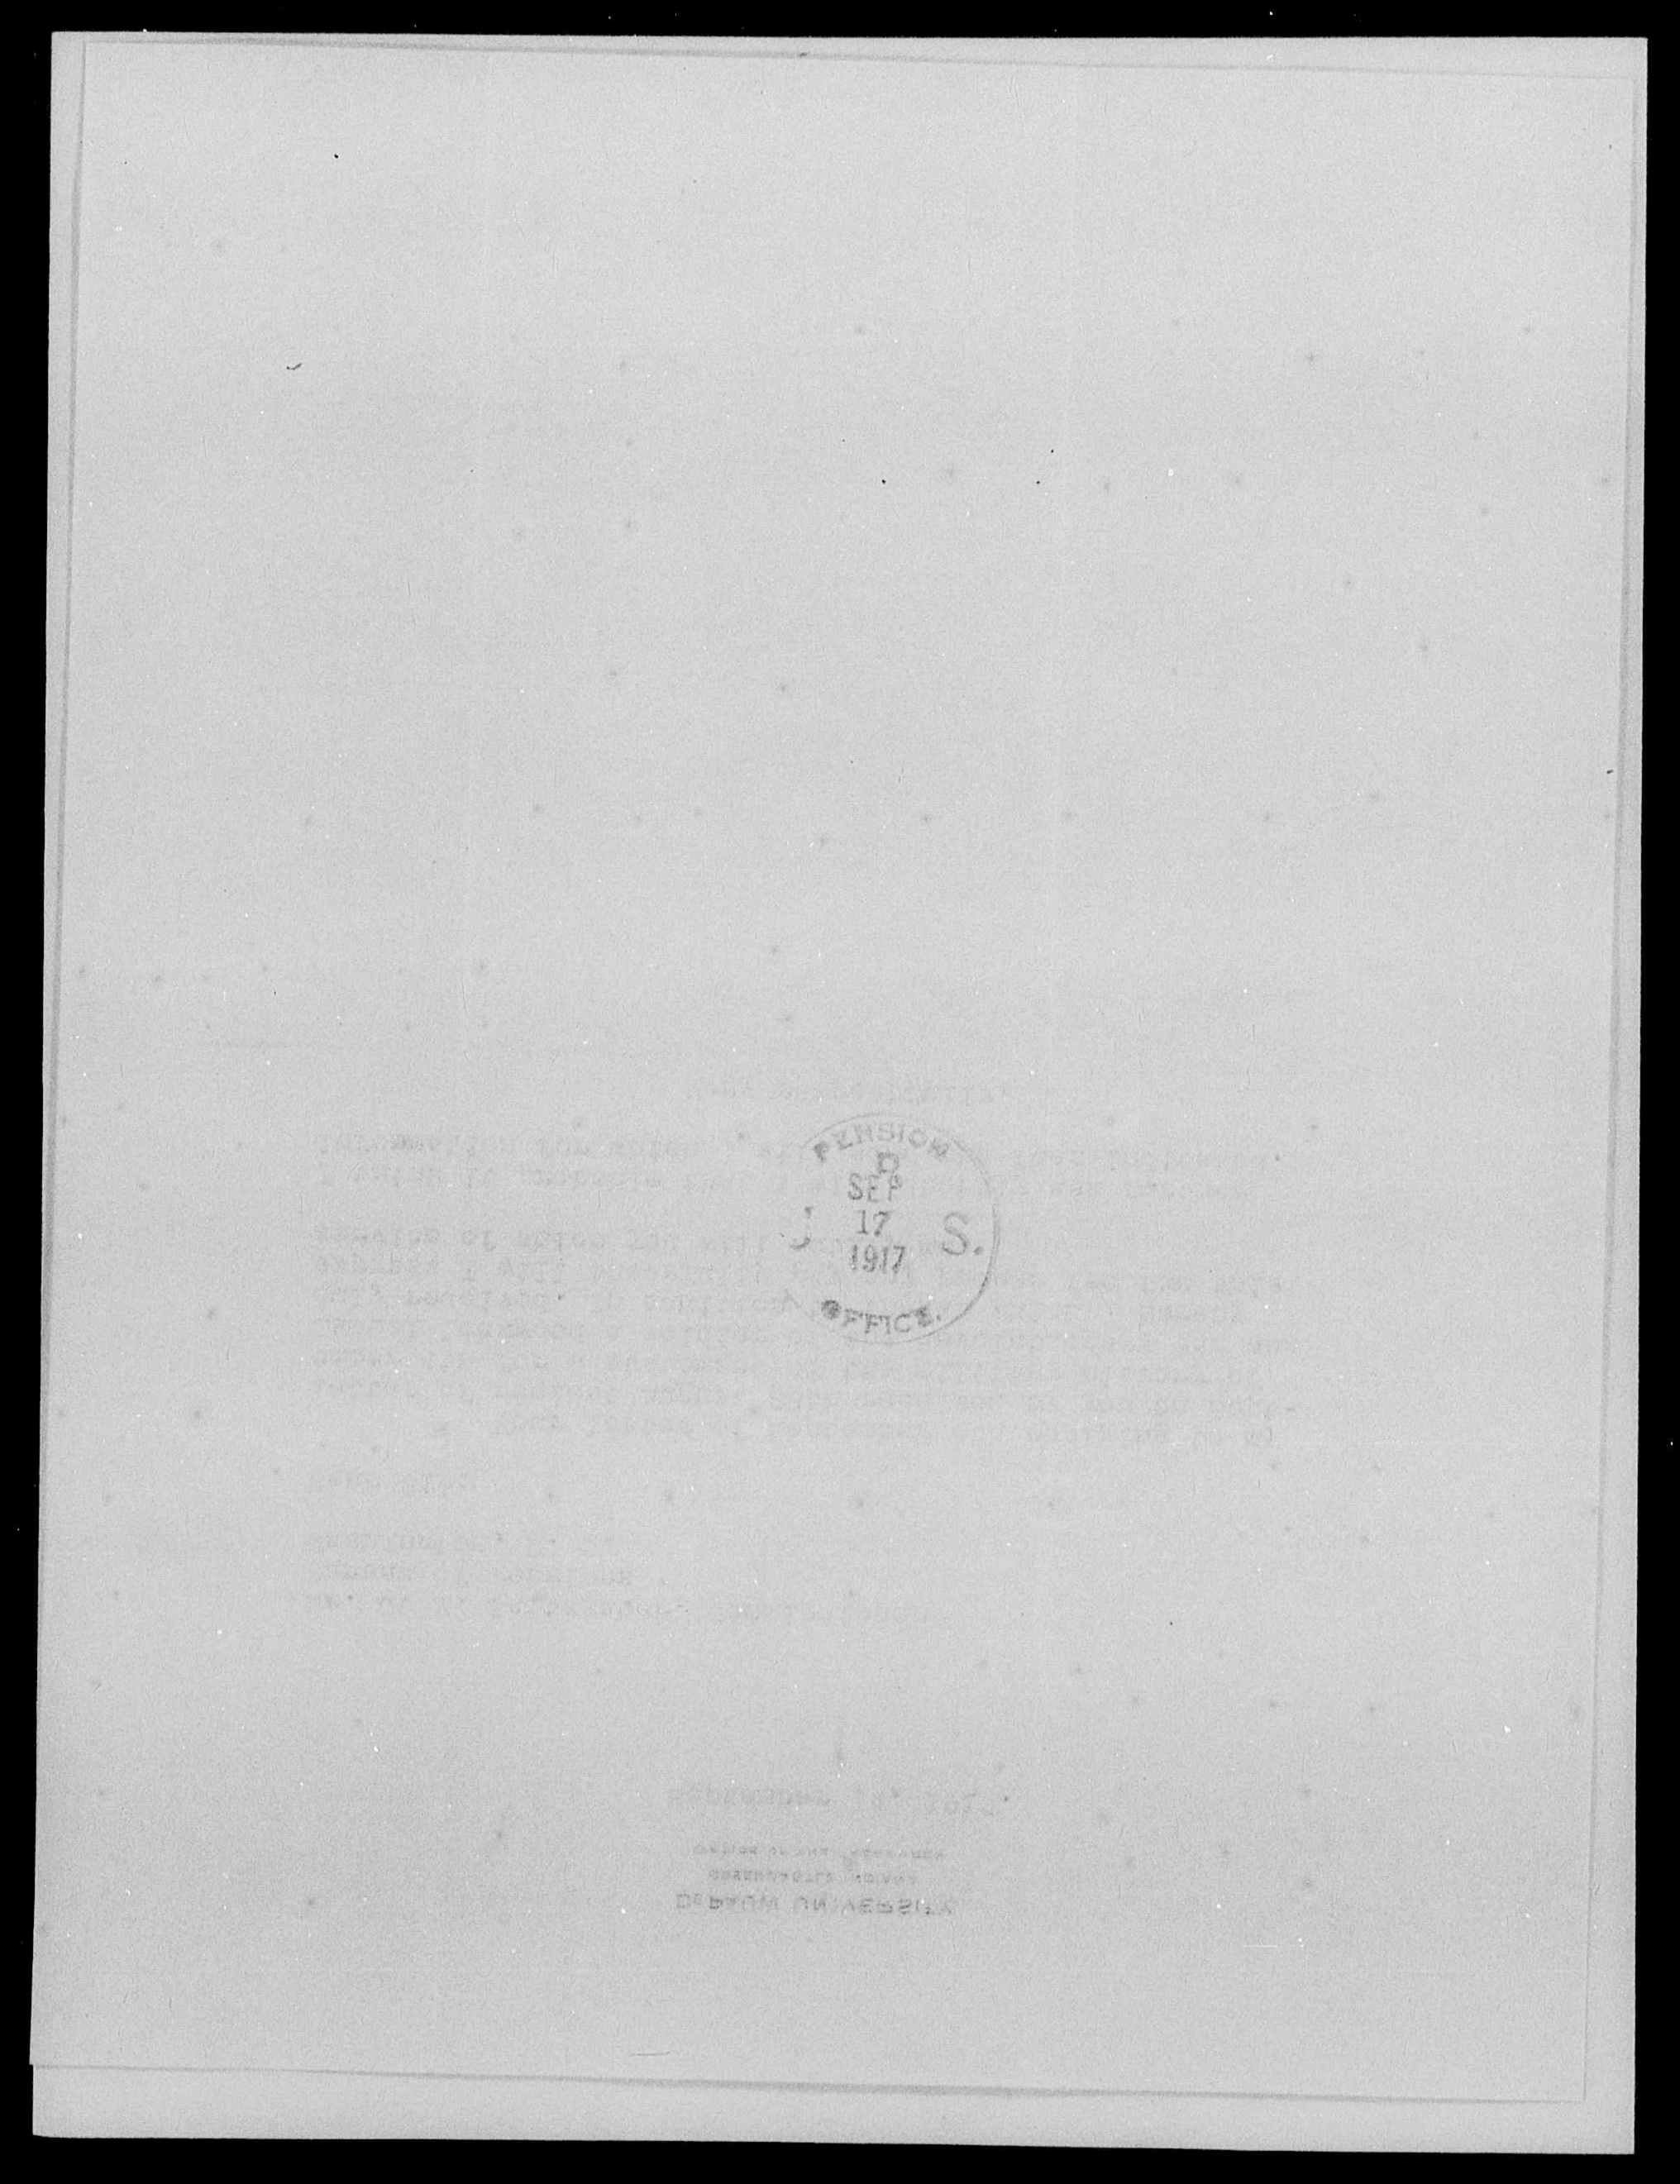[circular stamp]
U S PENSION OFFICE
SEP 17 1917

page: 21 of 25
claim: survivor's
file: S. 13789, for Samuel Lockwood, Delaware